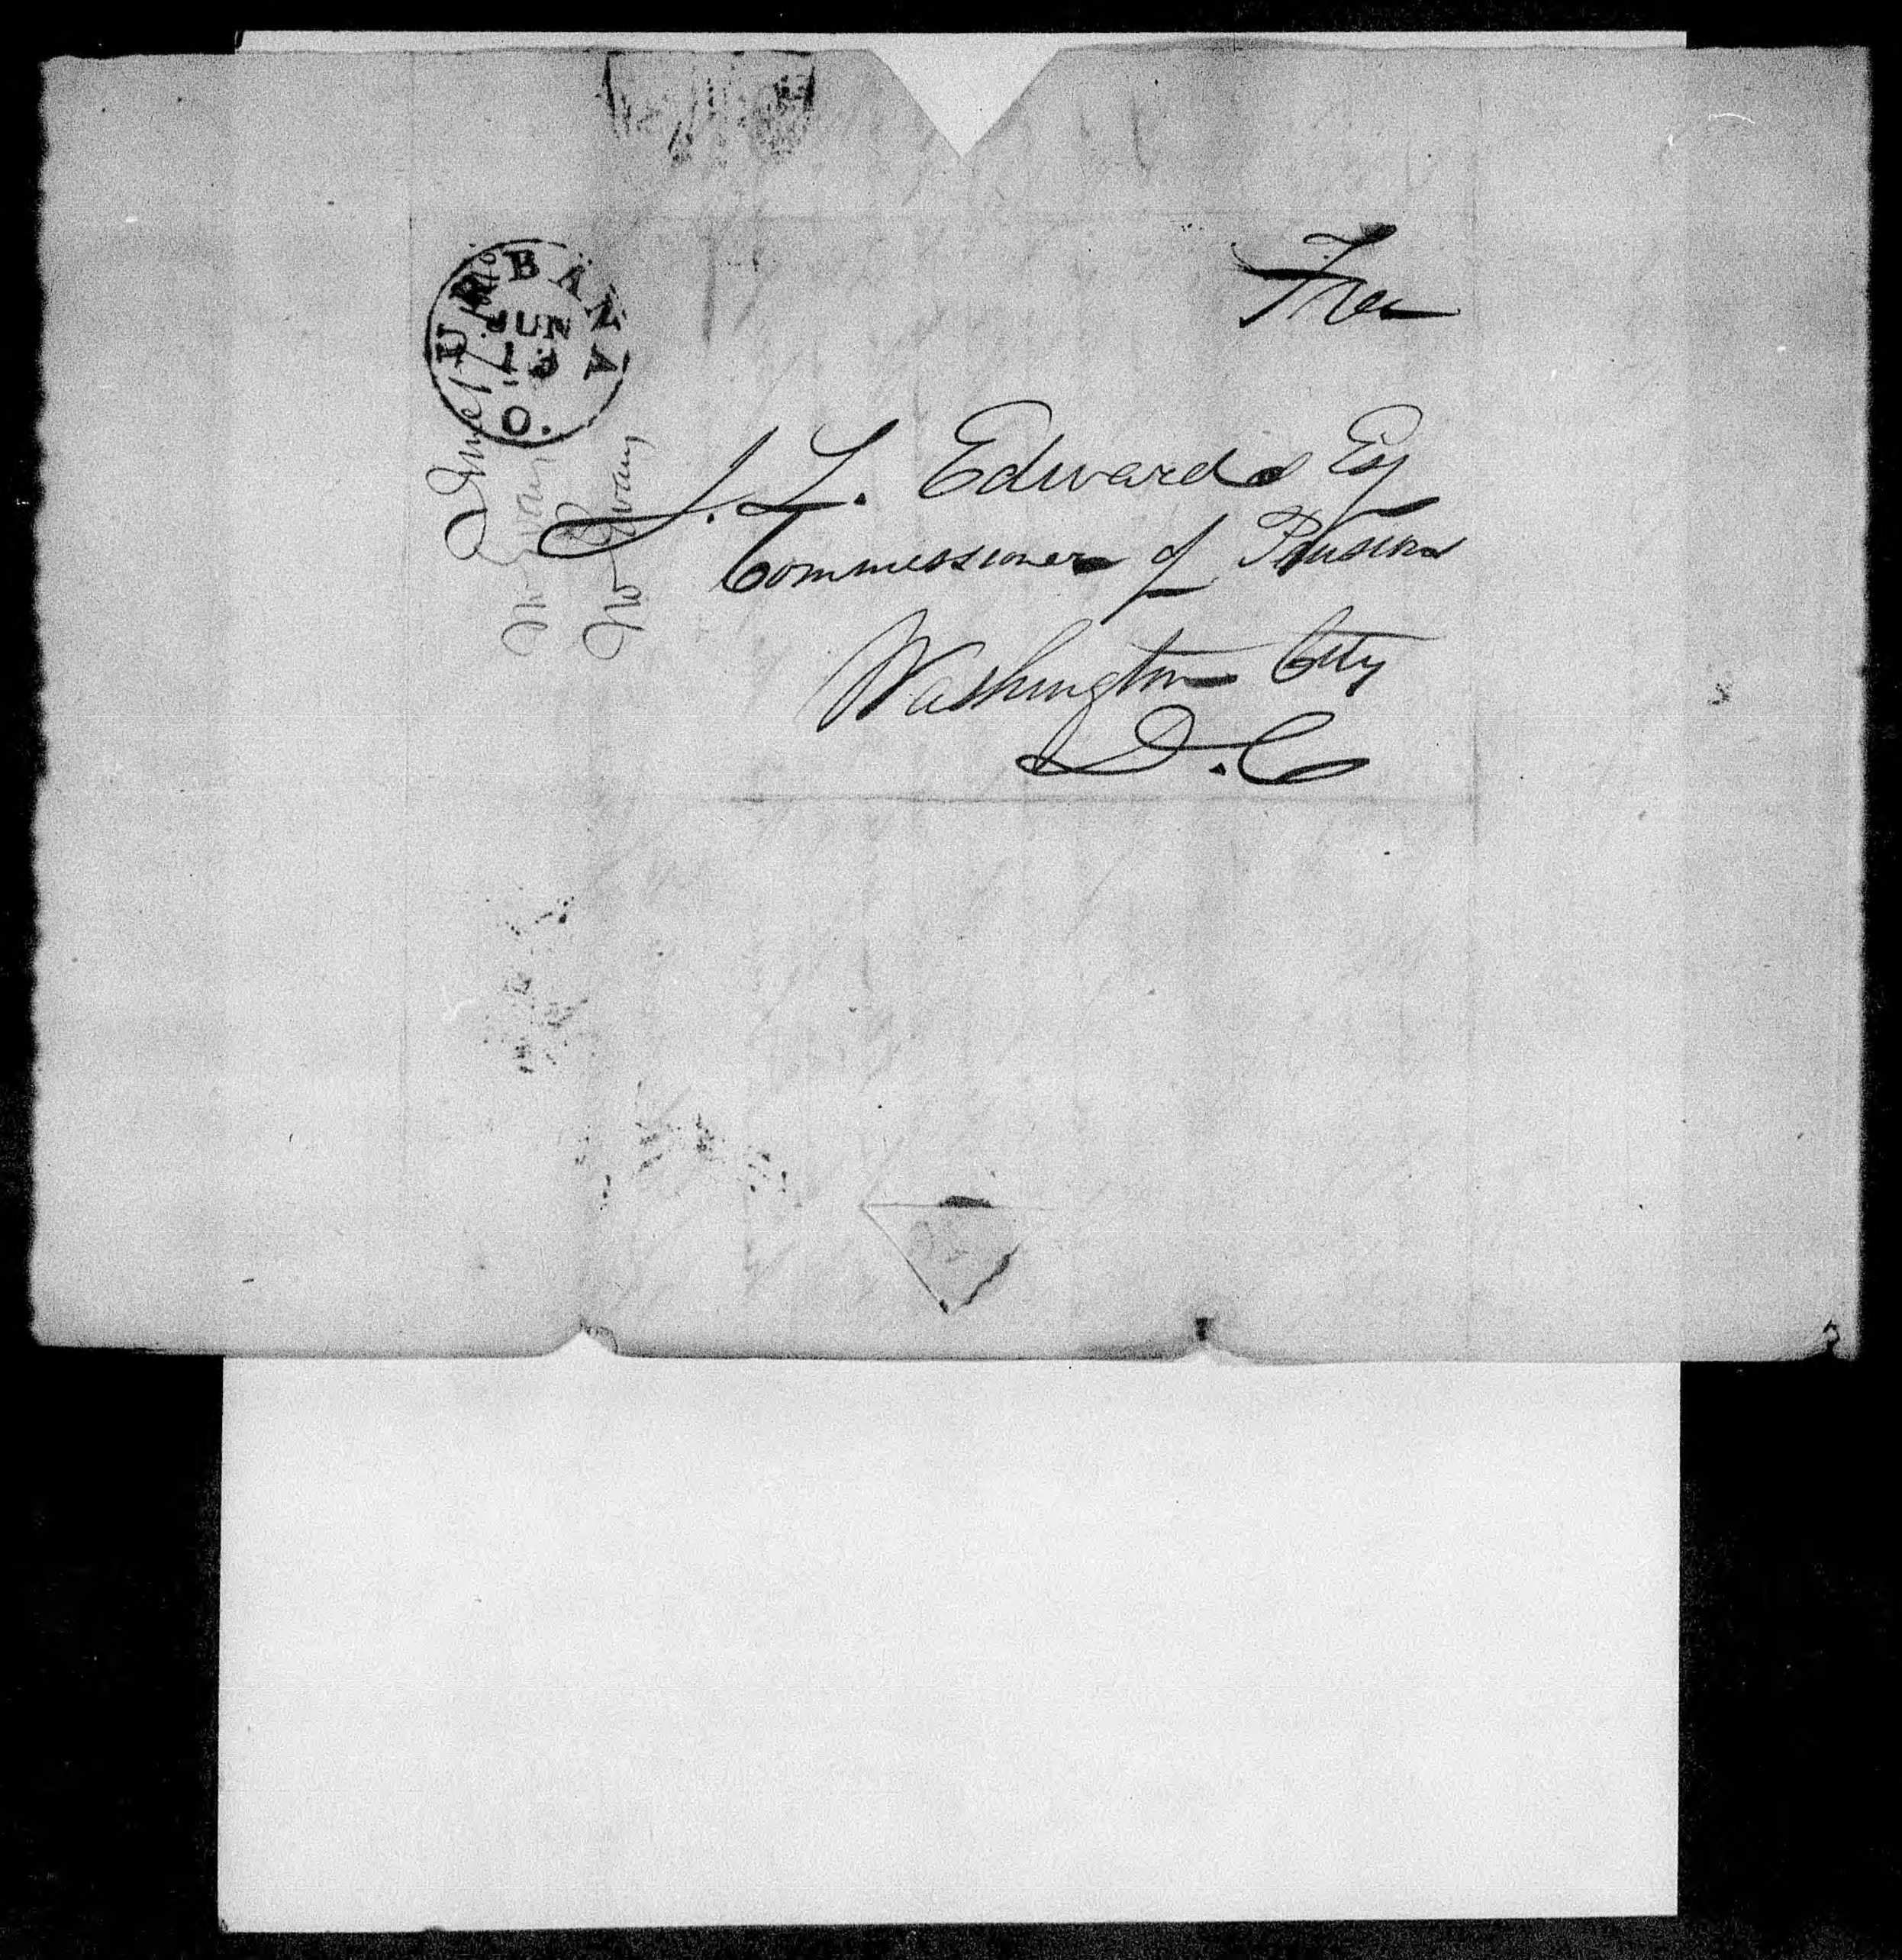JL Edwards Esq 
Commissioner of Pensions
Washington D.C.
[stamped URBANA Jun 13]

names: Evans, J L Edwards, Evans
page: 28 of 64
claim: survivor's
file: S. 6887, Peter Gideon, Md.